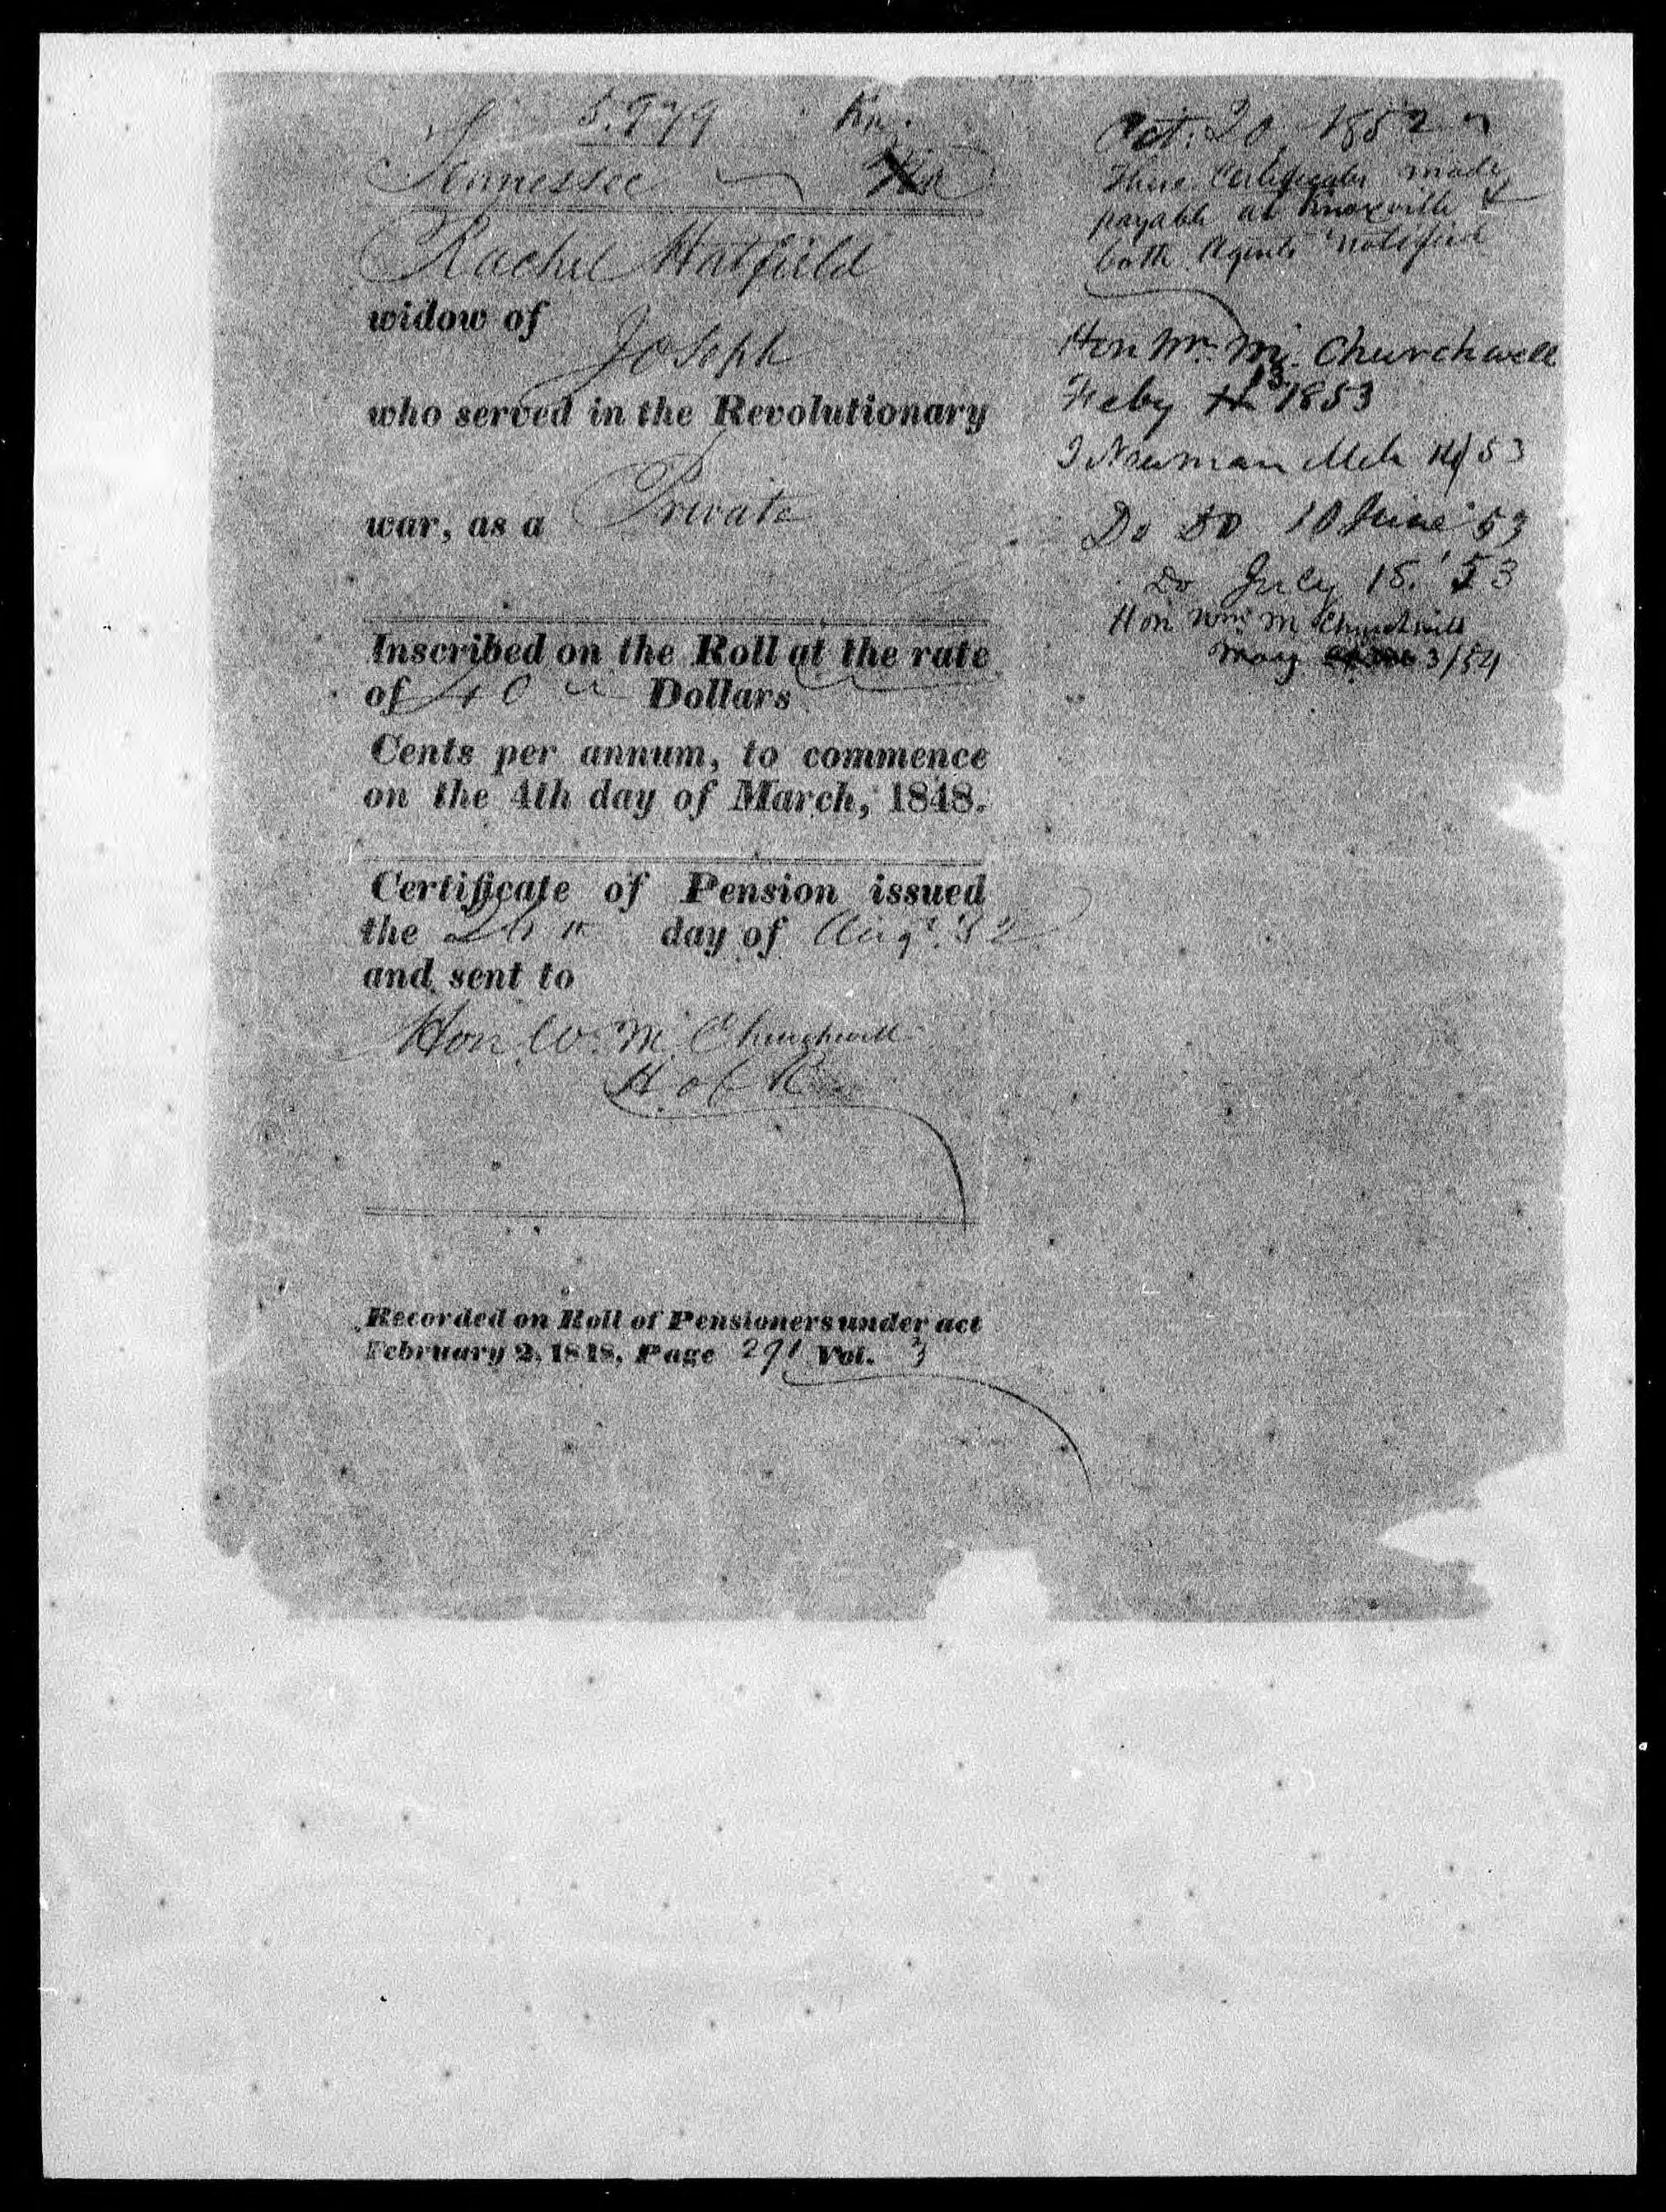5,979 Kn.
Tennessee ~
Rachel Hatfield
widow of Joseph
who served in the Revolutionary
war, as a Private

Inscribed on the Roll at the rate
of 40~ Dollars ~
Cents per annum, to commence
on the 4th day of March, 1848.

Certificate of Pension issued
the 24th day of Augt. 32
and sent to
Hon. W. M. Churchwell
H of R

Recorded on Roll of Pensioners under act
February 2, 1848, Page 291 Vol. 3

Oct: 20, 1852
These Certificates made
payable at Knoxville &
both Agents Notified

Hon Wm. M. Churchwell
Feby -th 1853
J Newman Mch 14/53
Do Do 10 June 53
Do July 15, '53
Hon. Wm. M Churchwell
May 3/54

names: W M Churchwell, Rachel Hatfield, Joseph Hatfield, T Newman, Wm M Churchwell, Wm M Churchwell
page: 40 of 74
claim: widow's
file: W. 5, Joseph Hatfield, Va.